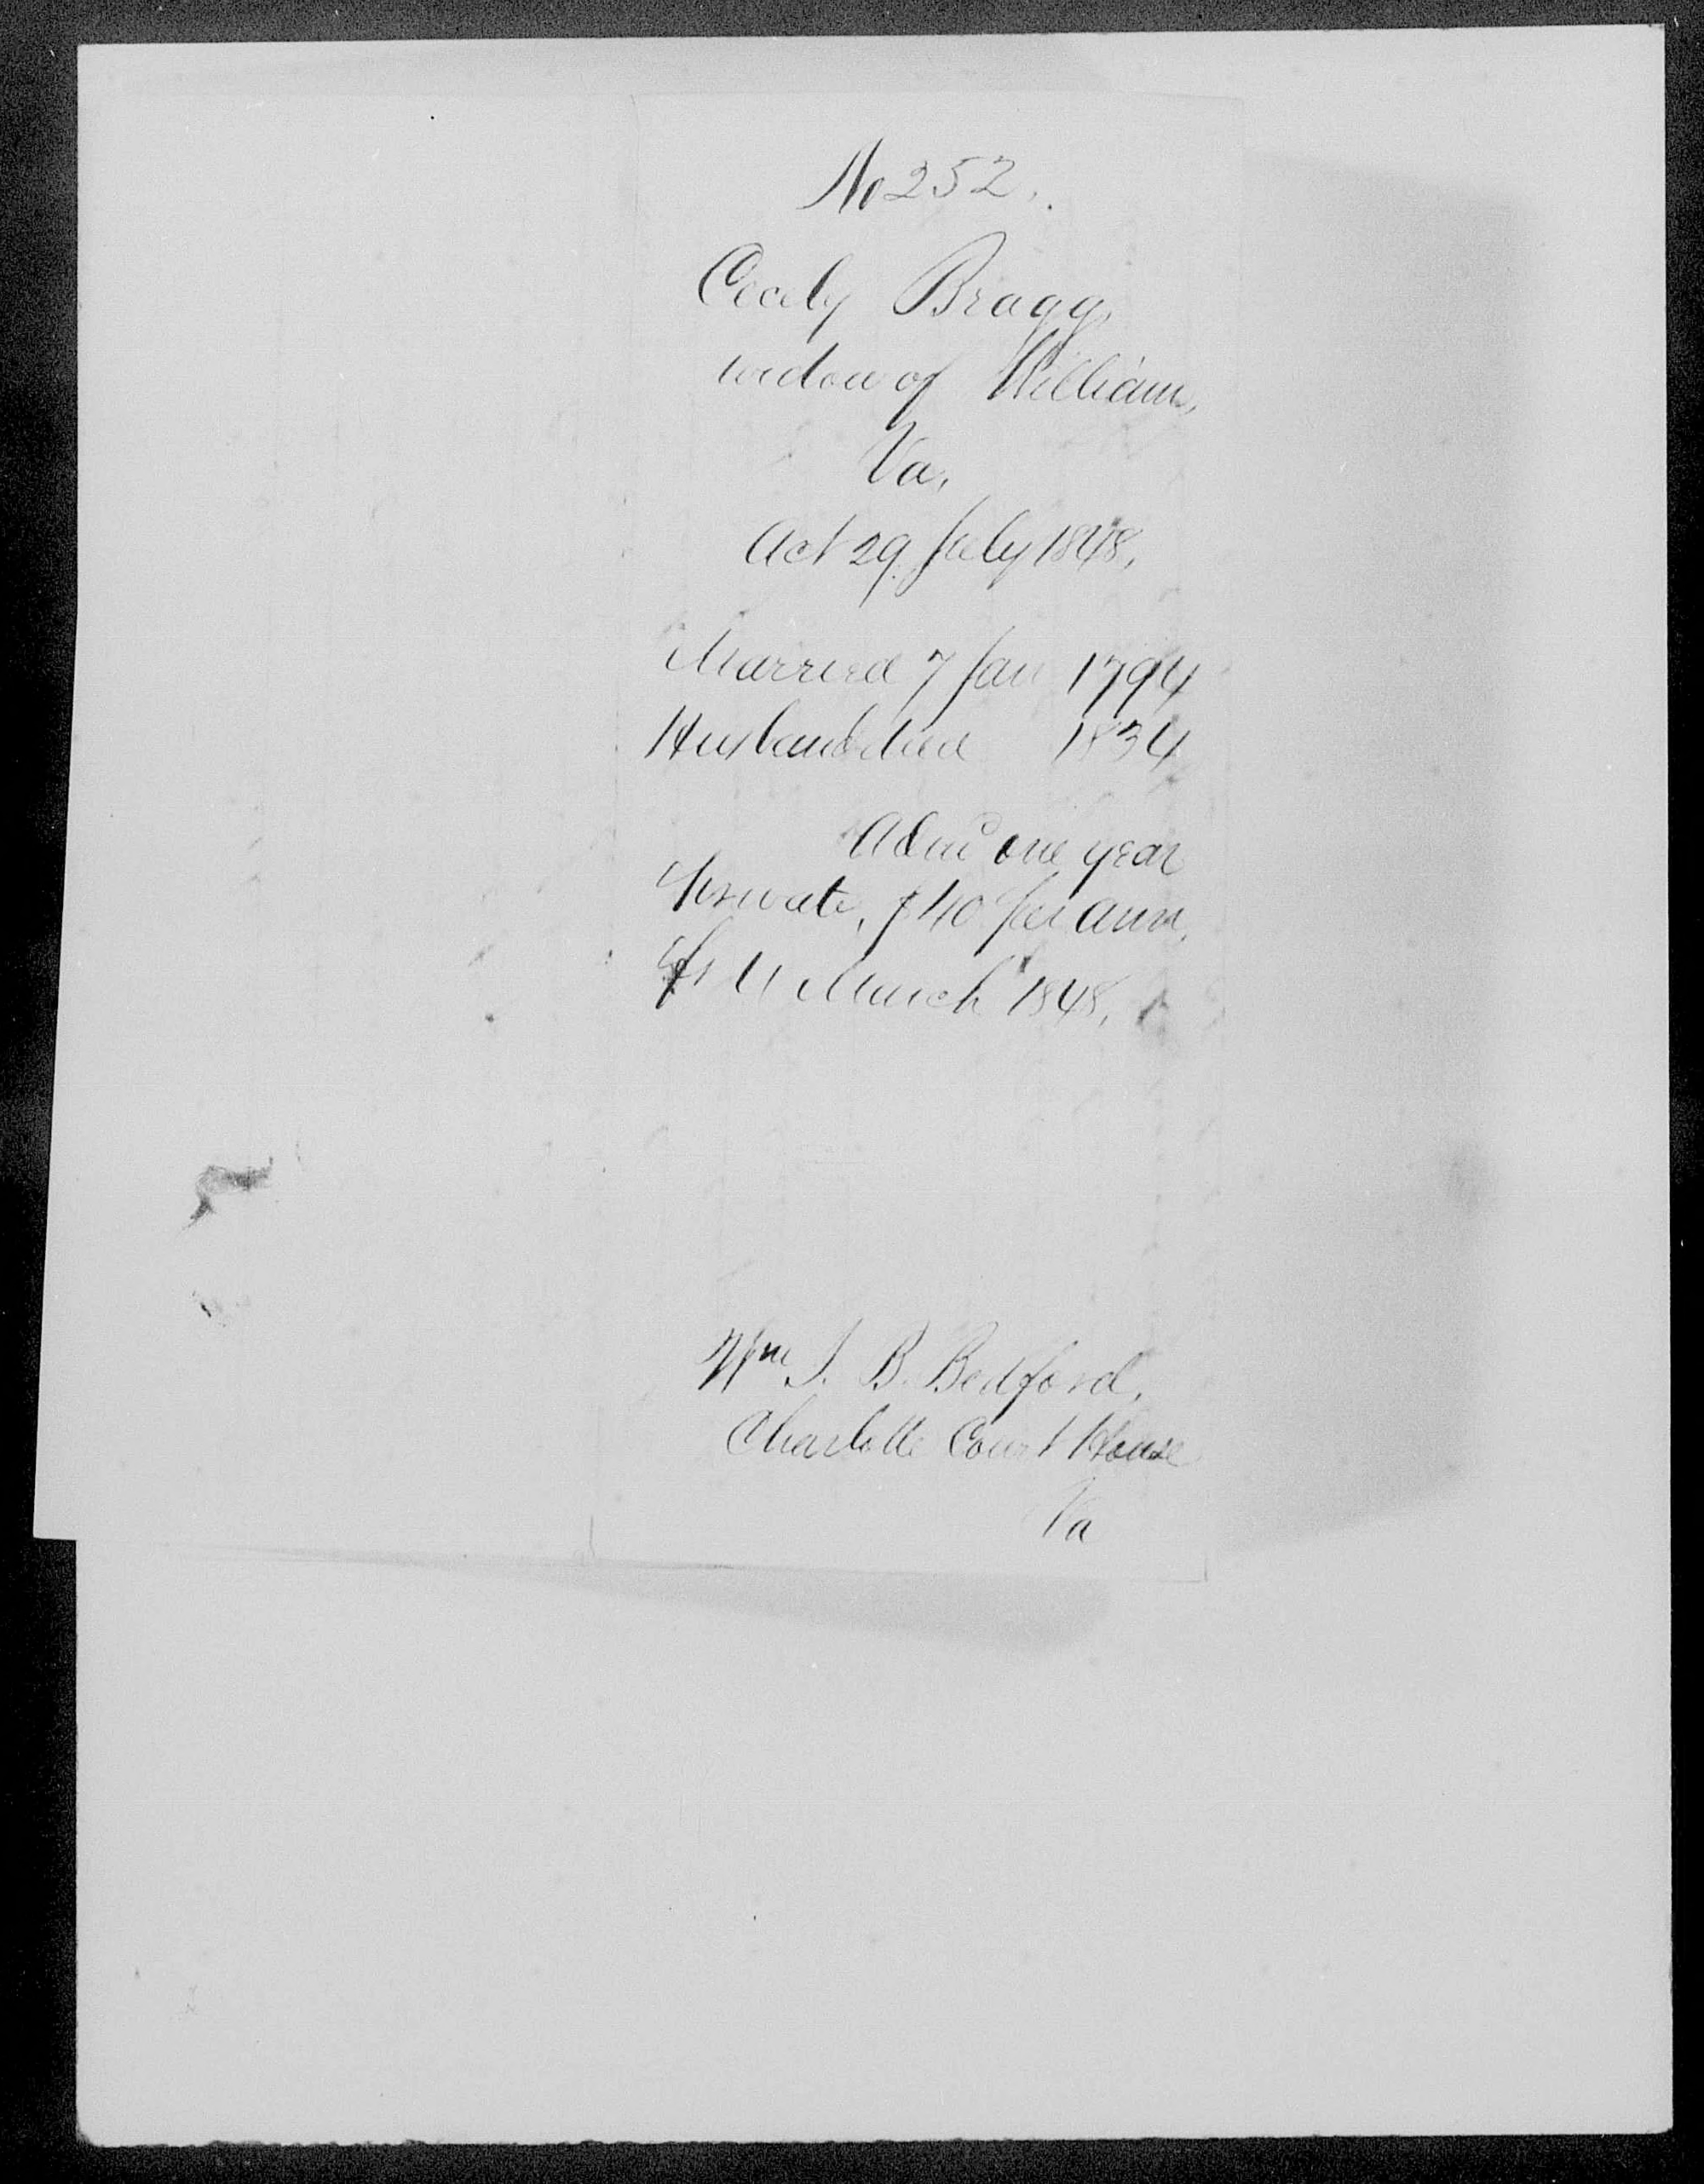No 252. 
Cecely Bragg 
widow of William
Va. 
Act 29 July 1848, 
Married 7 Jan 1794 
Husband died 1834 
Admd [Admitted] one year 
private $40 per ann [annum]
4 March 1848 

Wm. J. B. Bedford 
Charlette Court House 
Va.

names: William Bragg, Cecely Bragg, Wm J B Bedford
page: 8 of 19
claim: widow's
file: W. 2517, William Bragg, Va.